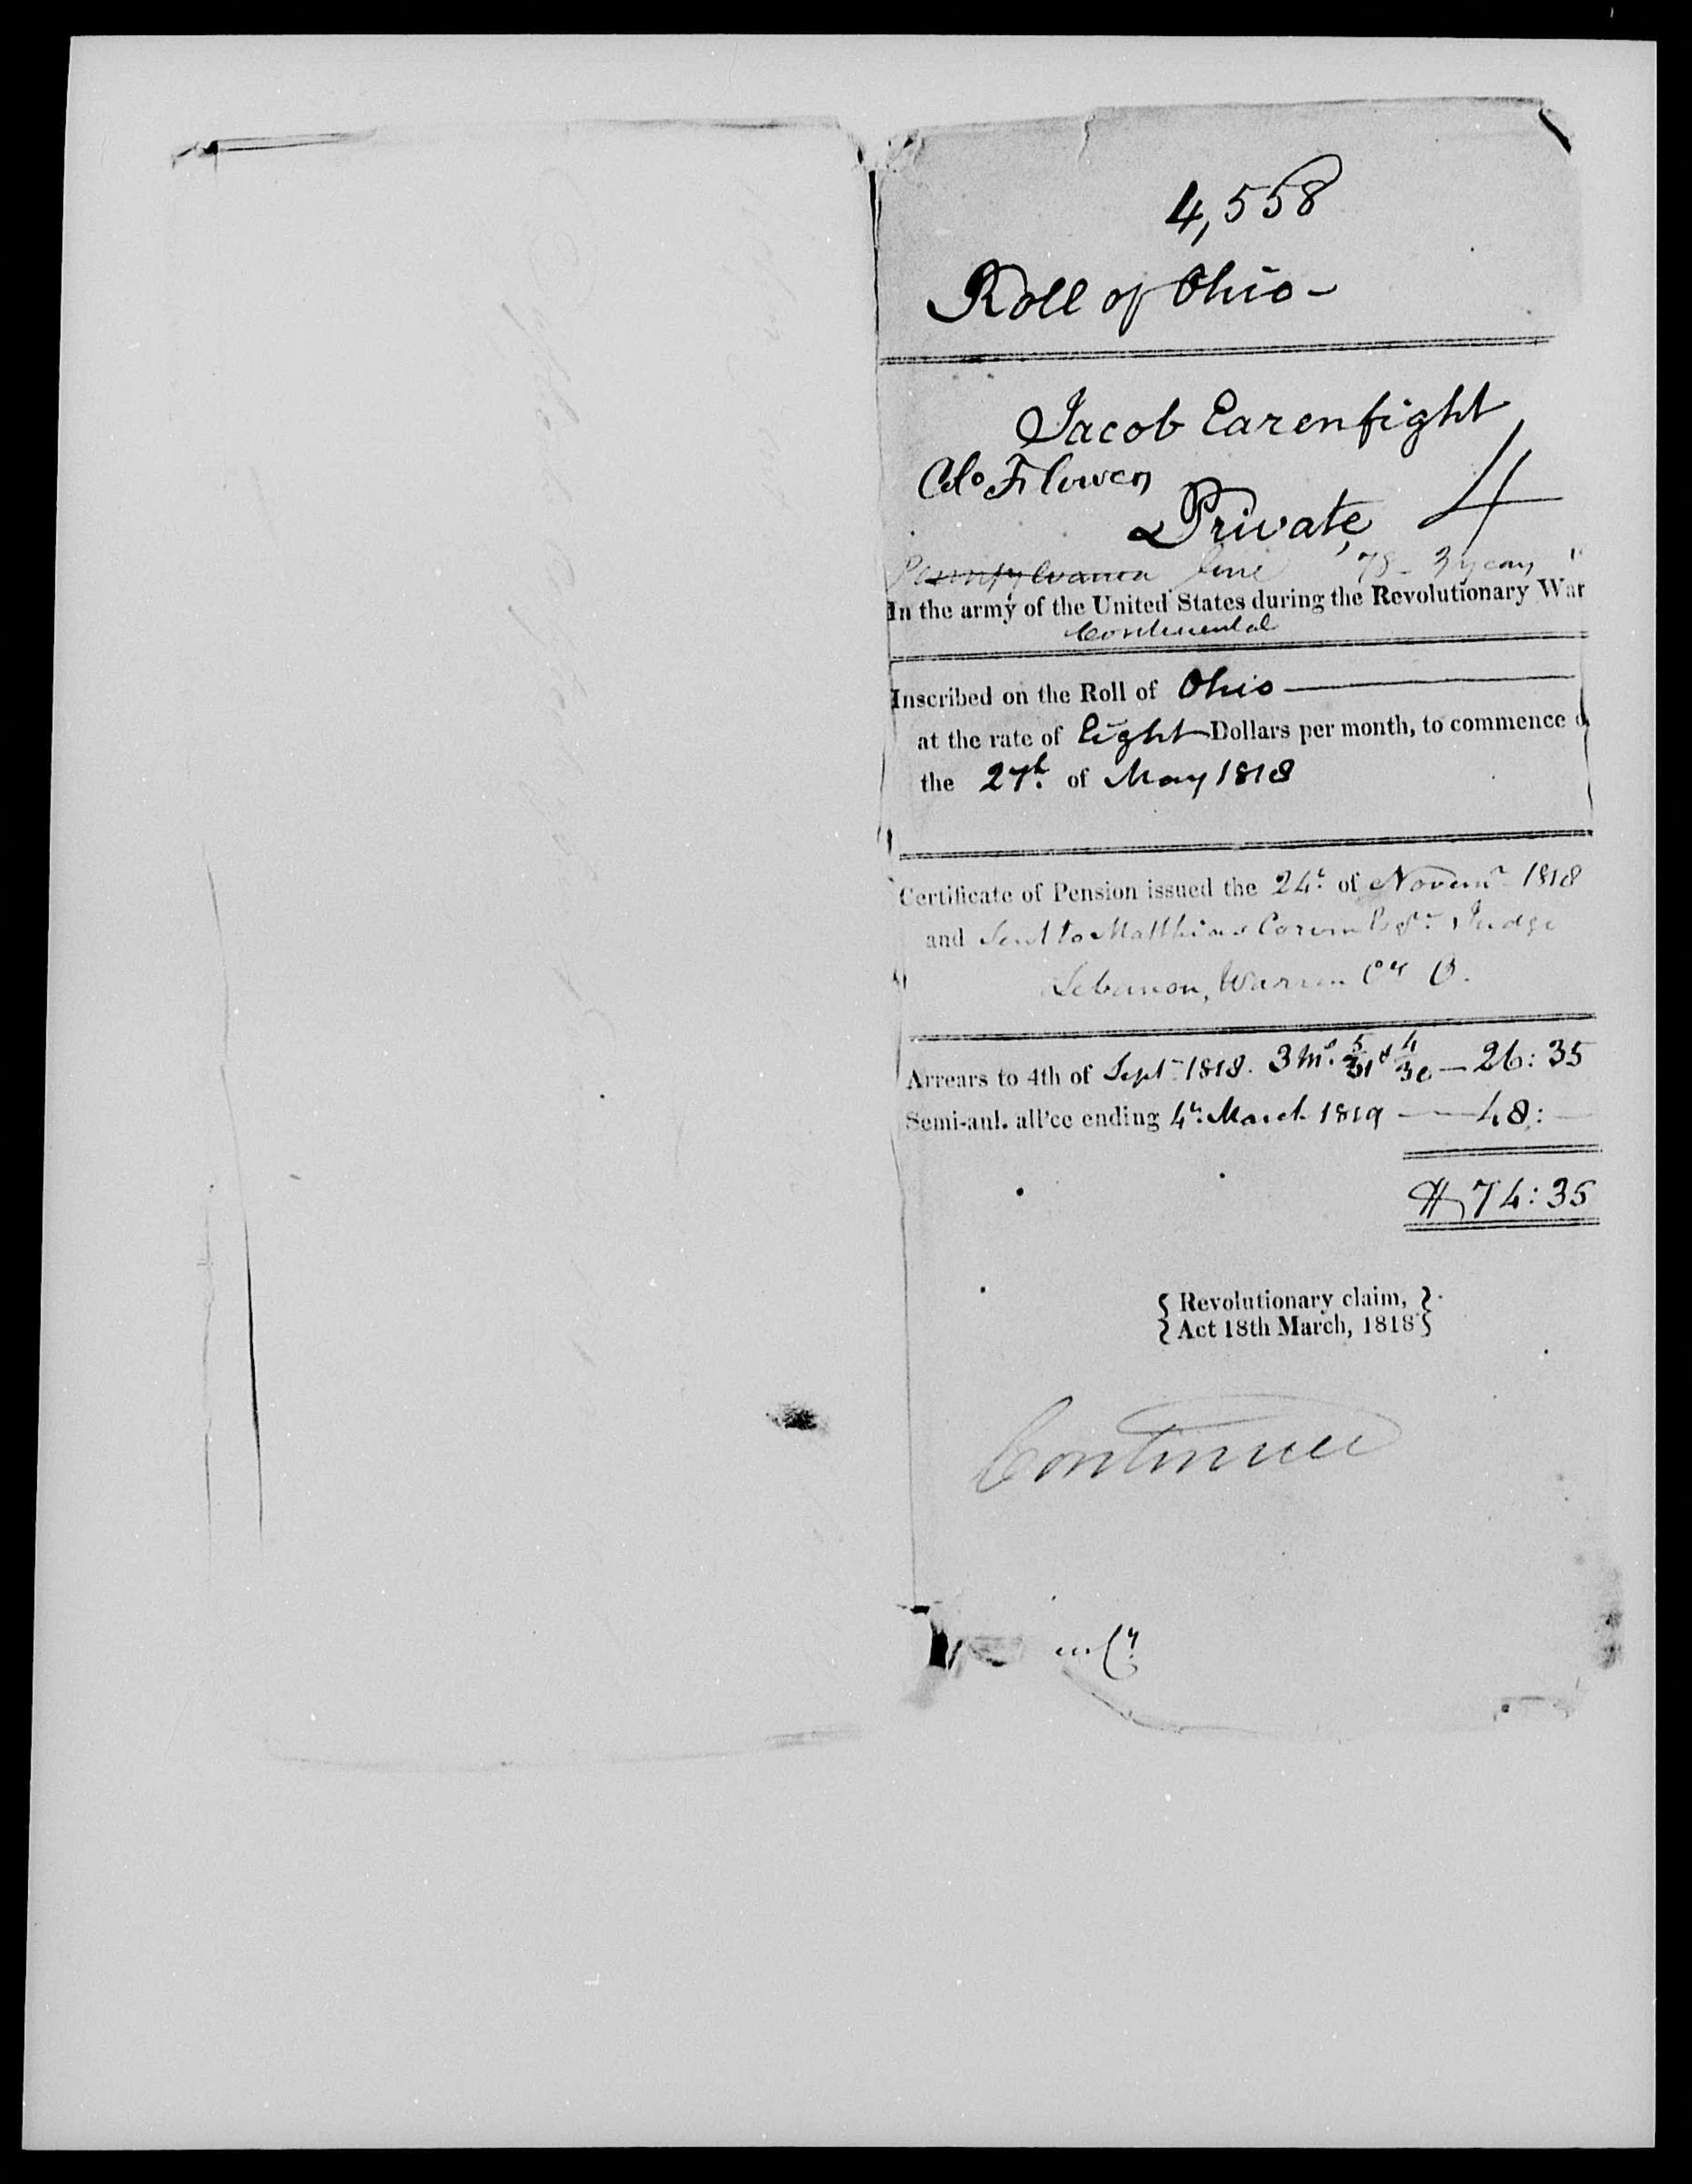4,558
Roll of Ohio
Jacob Earenfight
[illegible]
Private
In the army of the United States during the Revolutionary War

Inscribed on the Roll of Ohio
at the rate of eight dollars per month, to commence
the 27th of May 1818

Certificate of Pension issued the 24th of Novem 1818
and [illegible]

Arrears to 4th of Sept 1818 [illegible]
Semi-anl. all'ce ending 4th March 1819 | 48

$74.35

[brackets] Revolutionary claim,
Act 18th March 1818 [end brackets]

[handwriting] Continent [end handingwriting]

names: Flowers, Jacob Earenfight, Matthias Corwin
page: 2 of 21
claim: survivor's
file: S. 42691, Jacob Earenfight, Continental Ohio Residence And Agency